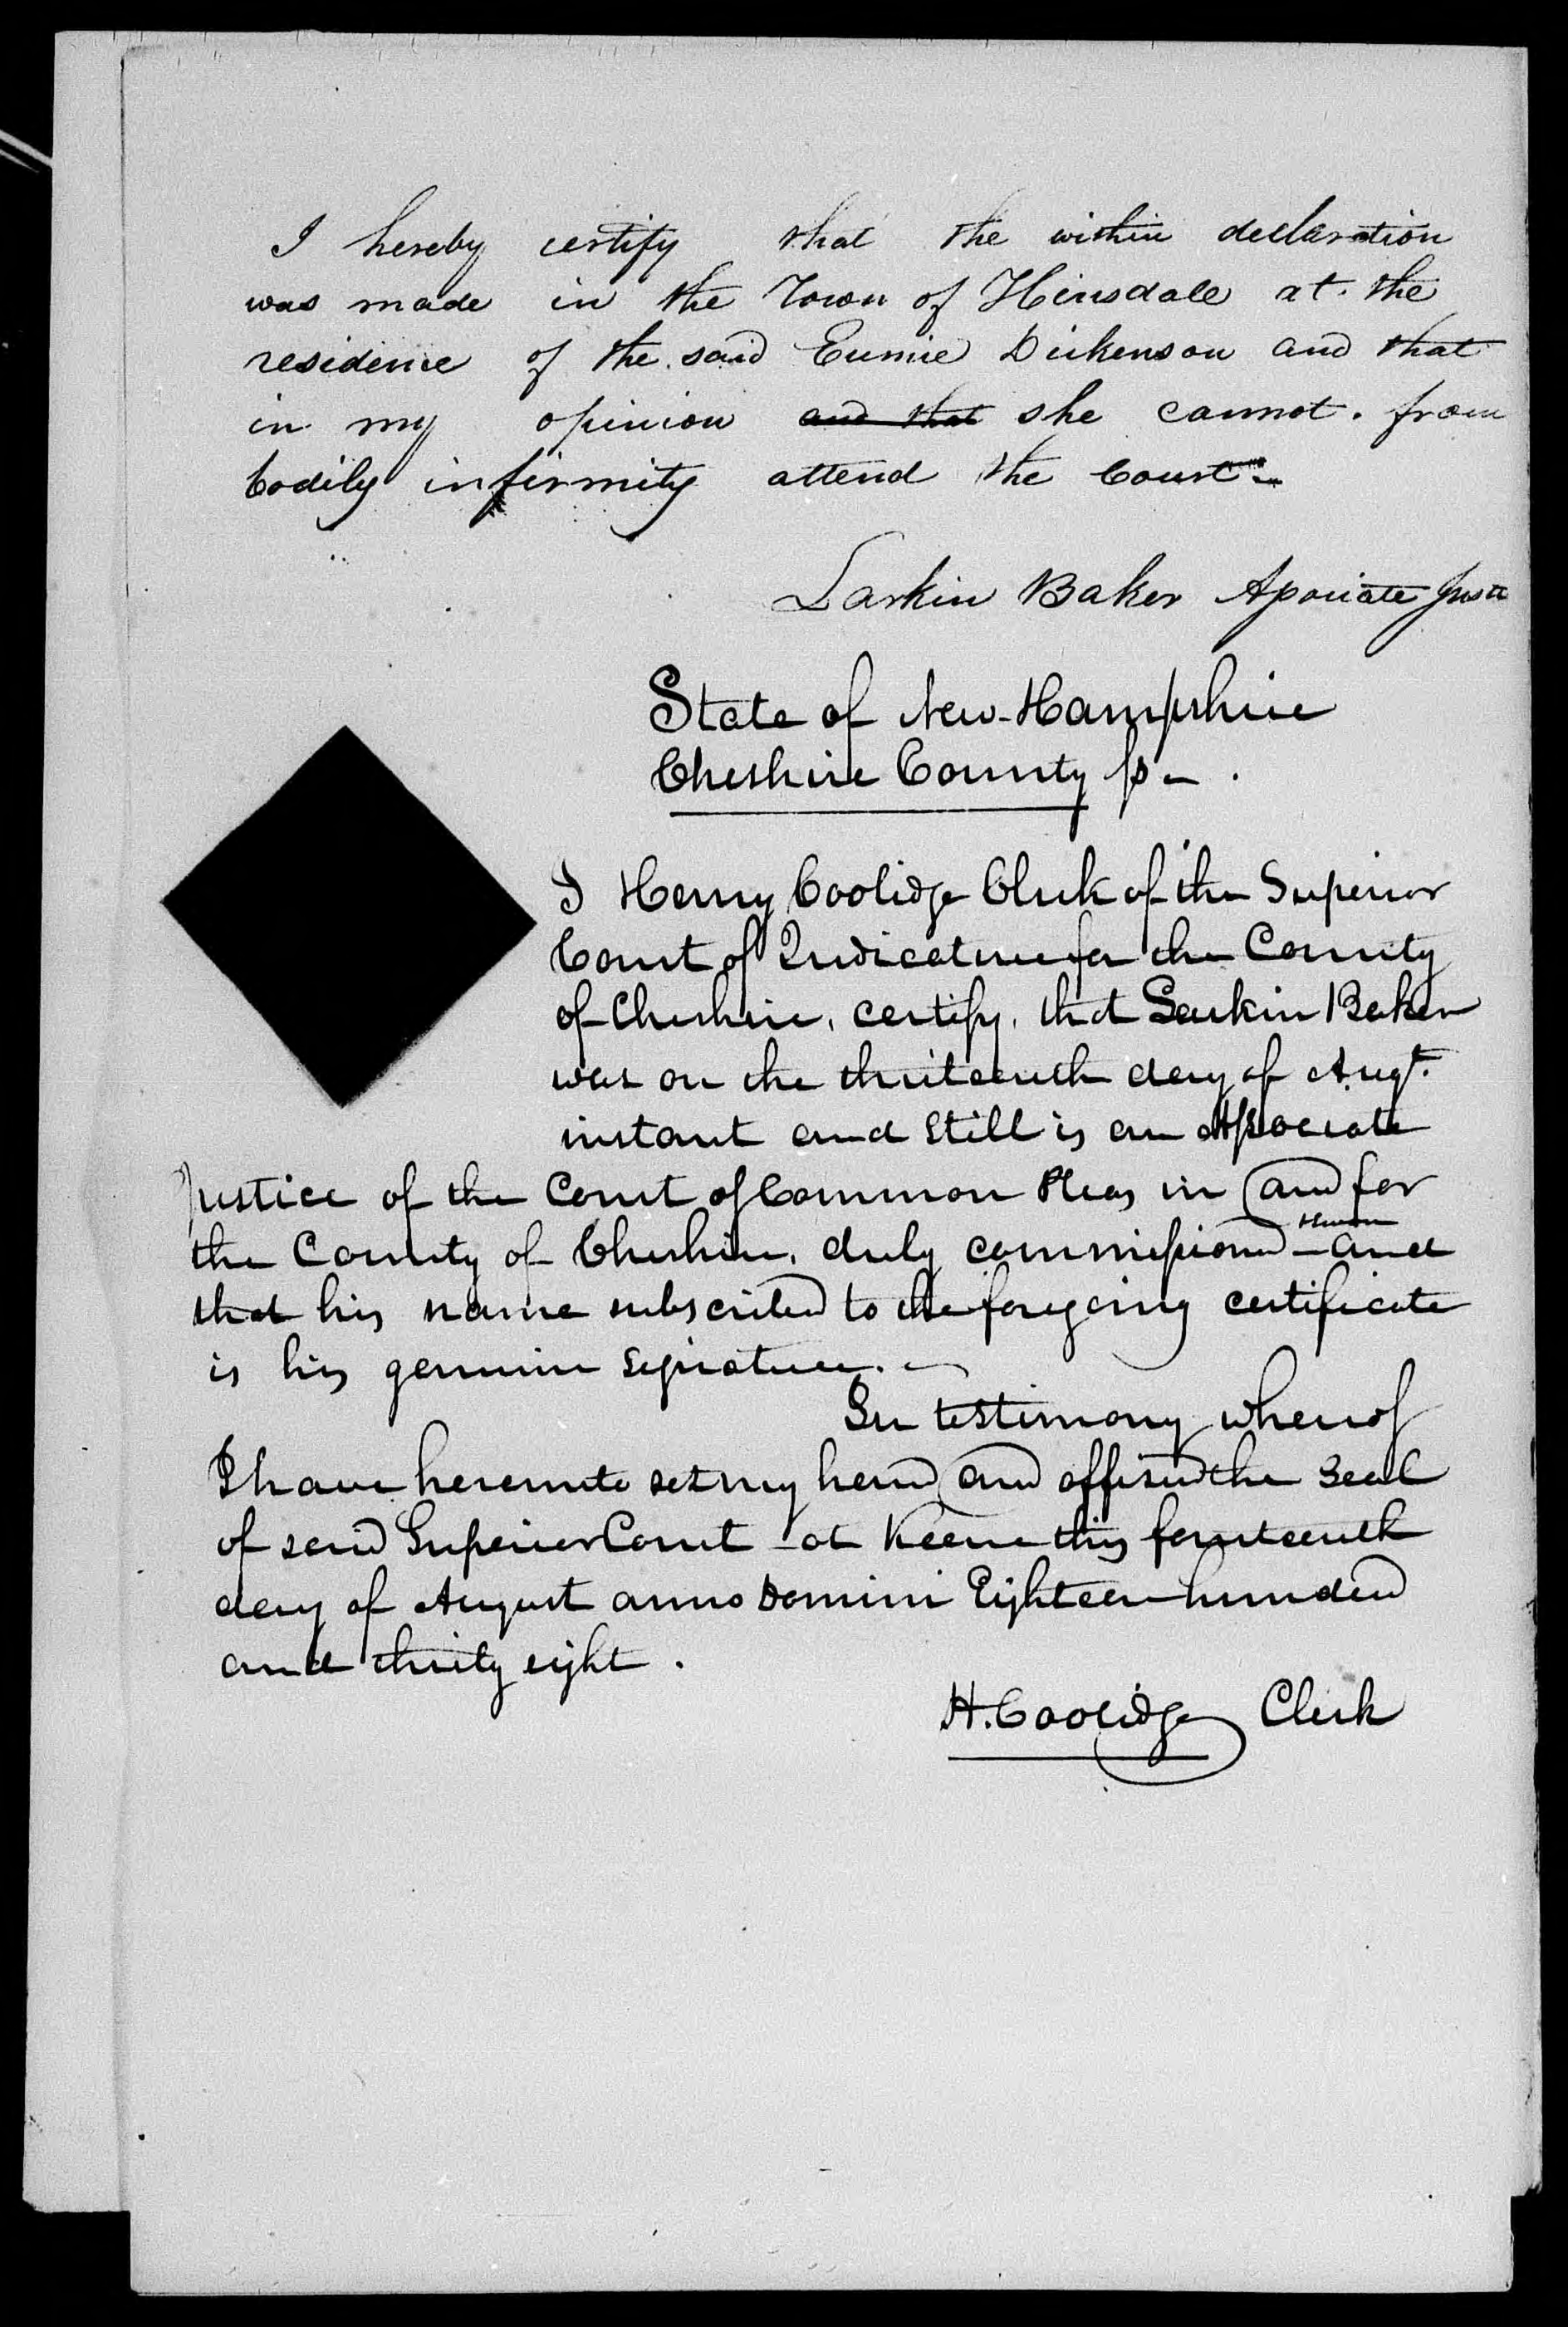I hereby certify that the within declaration was made in the Town of Hinsdale at the residence of the said Eunice Dickenson and that in my opinion and that (and that is crossed out) she cannot from bodily infirmity attend the court.

Larkin Baker  Associate Justice

State of New Hampshire
Cheshire County  Ss.
___________________________

I Henry Coolidge Clerk of the Superior Court of judicature for the County of Cheshire, certify, that Larkin Baker was on the thirteenth day of August instant and still is an Associate Justice of the Court of Common Pleas in and for the County of Cheshire, duly commissioned and sworn and that his name subscribed to the foregoing certificate is his genuine signature.
In testimony whereof I have hereunto set my hand and affixed the Seal of said Superior Court at Keene this fourteenth day of August anno Domini Eighteen hundred and thirty eight.
H.  Coolidge    Clerk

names: Larkin Baker, Eunice Dickenson, H Coolidge, Larkin Baker, Henry Coolidge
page: 10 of 31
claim: widow's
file: W. 22946, Joel Dickinson, Mass.